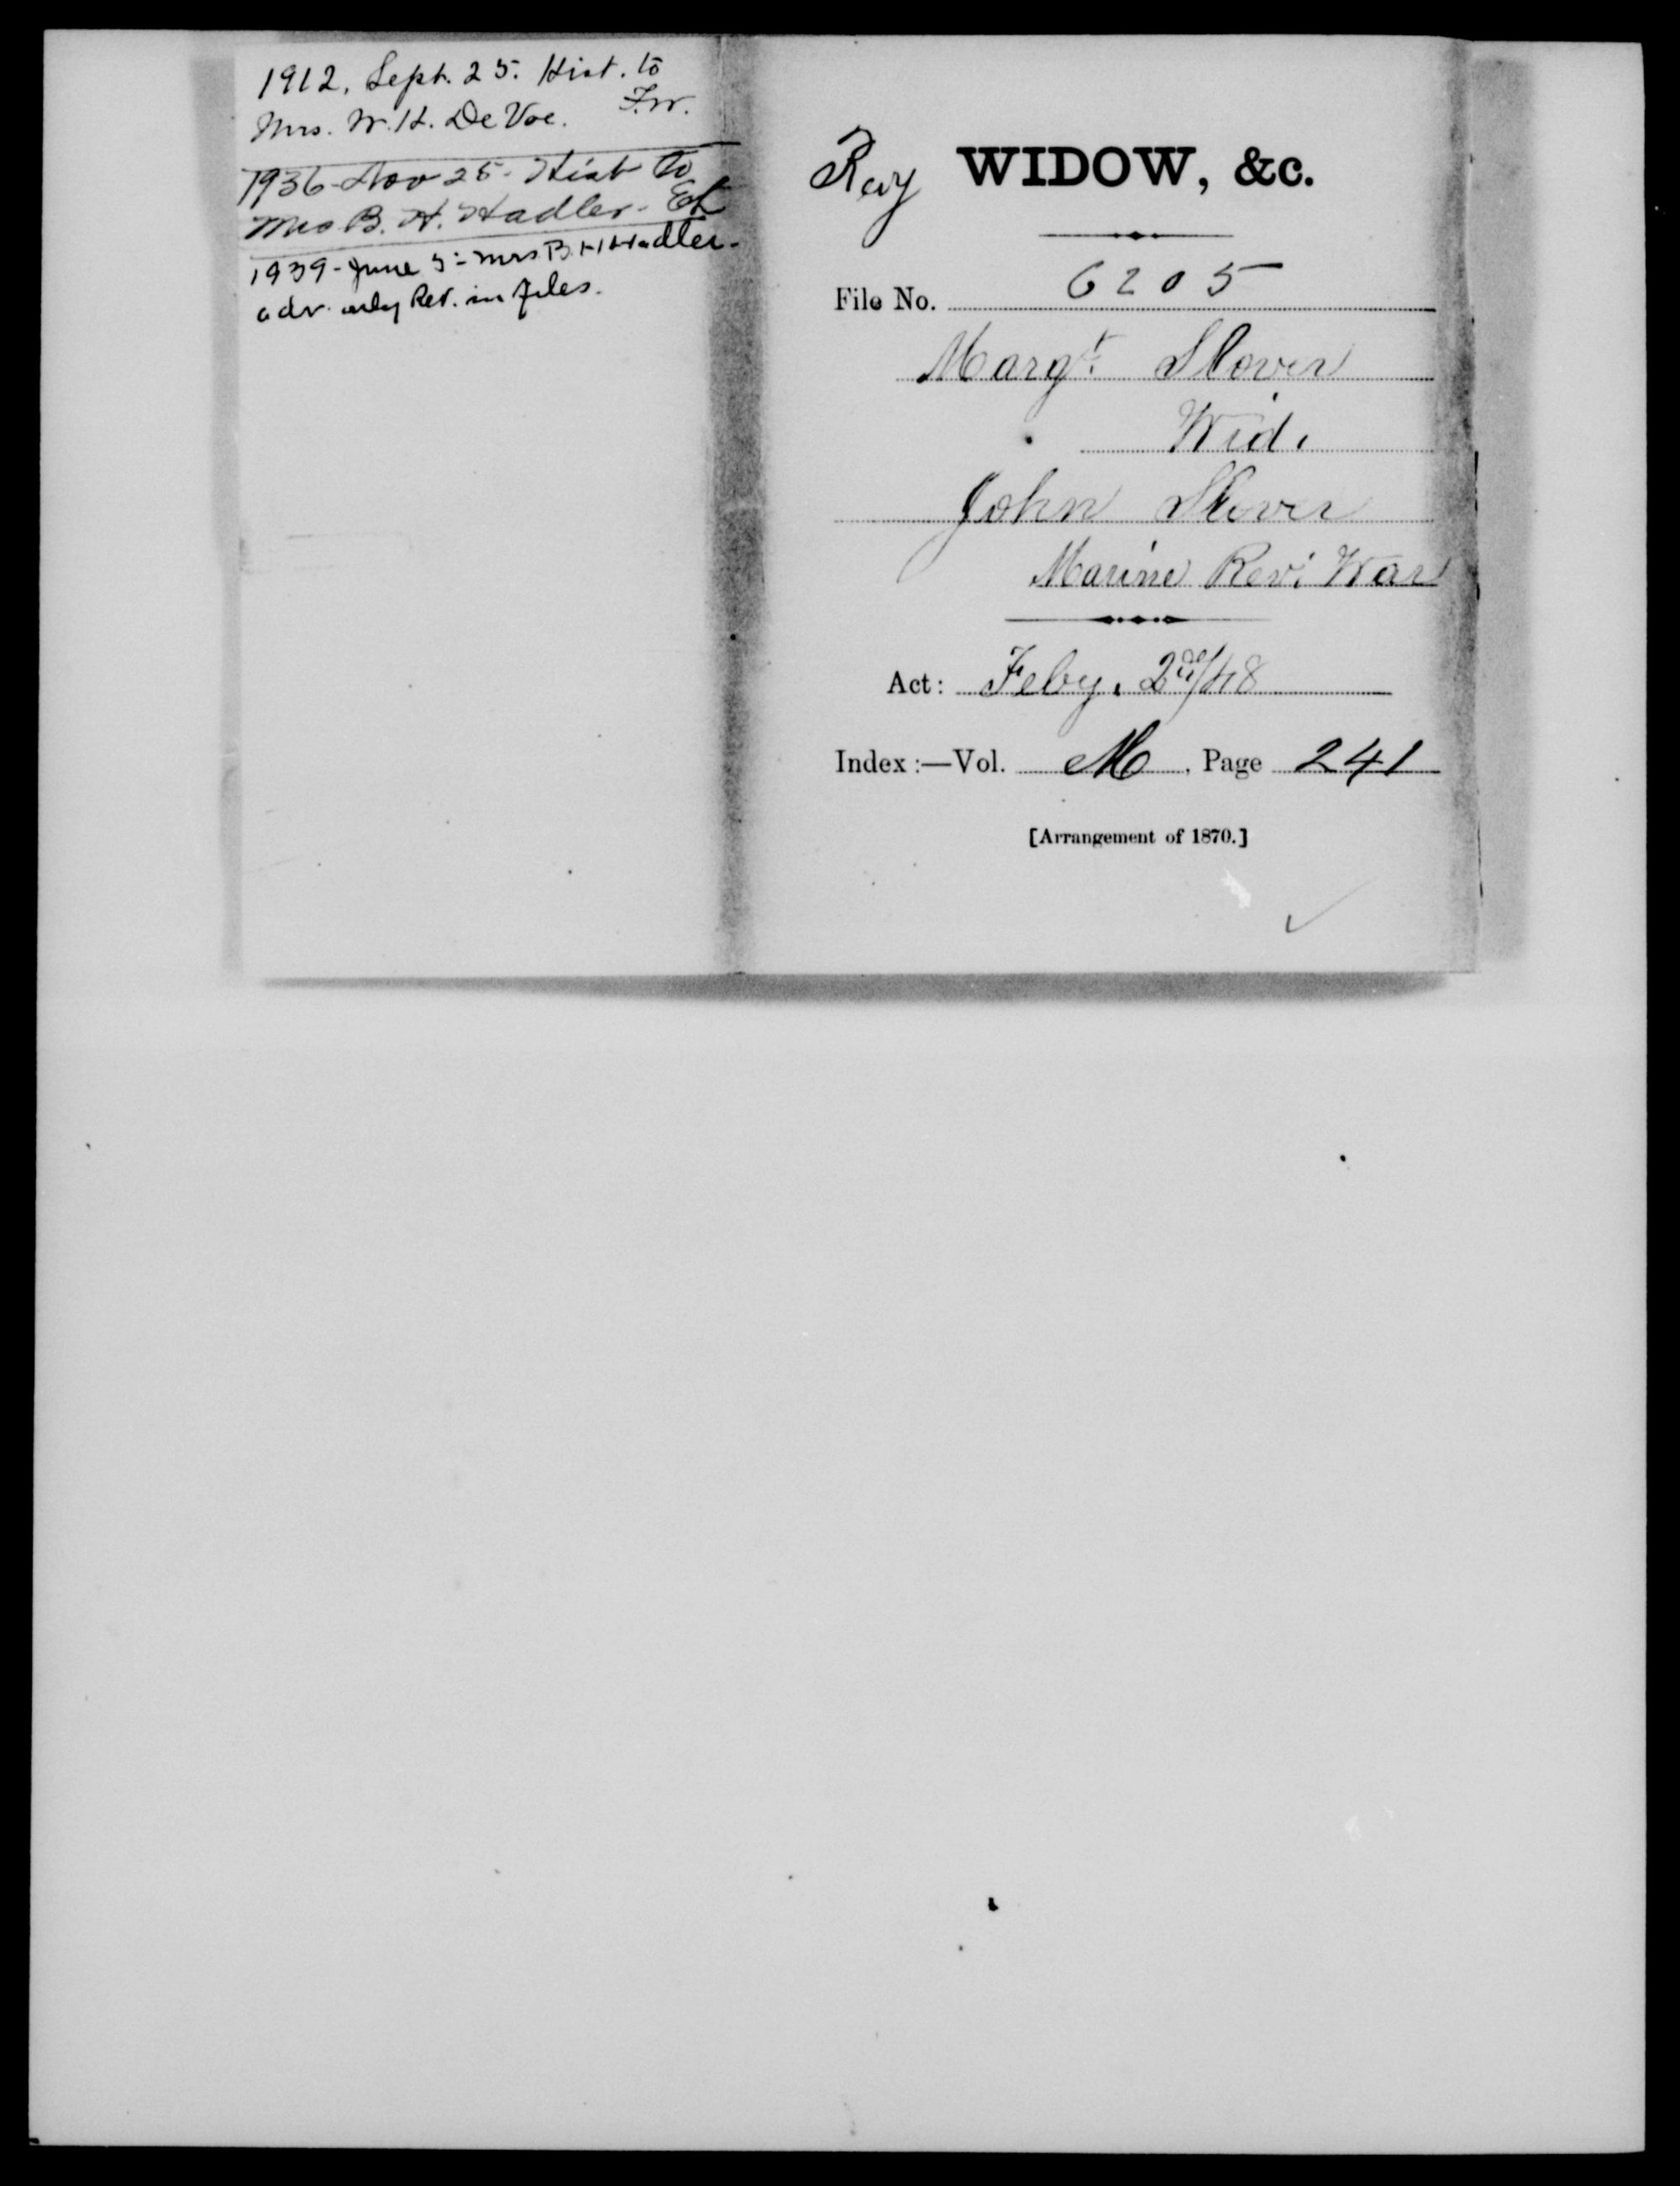Rev(olutionary War)
WIDOW, &c.
File No. 6205
Marg(are)t Slover, wid(ow of) John Slover.
Marine, Rev(olutionary) War
Act: Feb. 2nd '48
Index: -; Vol. A; Page 241.
{Arrangement of 1870.}

1912 Sep. 25 - Hist(ory sent) to Mrs. W.H. Devoe. F.R.R.
1936 Nov. 25 - Hist(ory sent) to Mrs. B.H. Hadler. E.H.
1999 June 5 - Mrs. B.H. Hadler (was) adv(ised this was the) only Rev(olutionary War Soldier) in files.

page: 30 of 46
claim: widow's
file: W. 6205, for John Slover, New Jersey